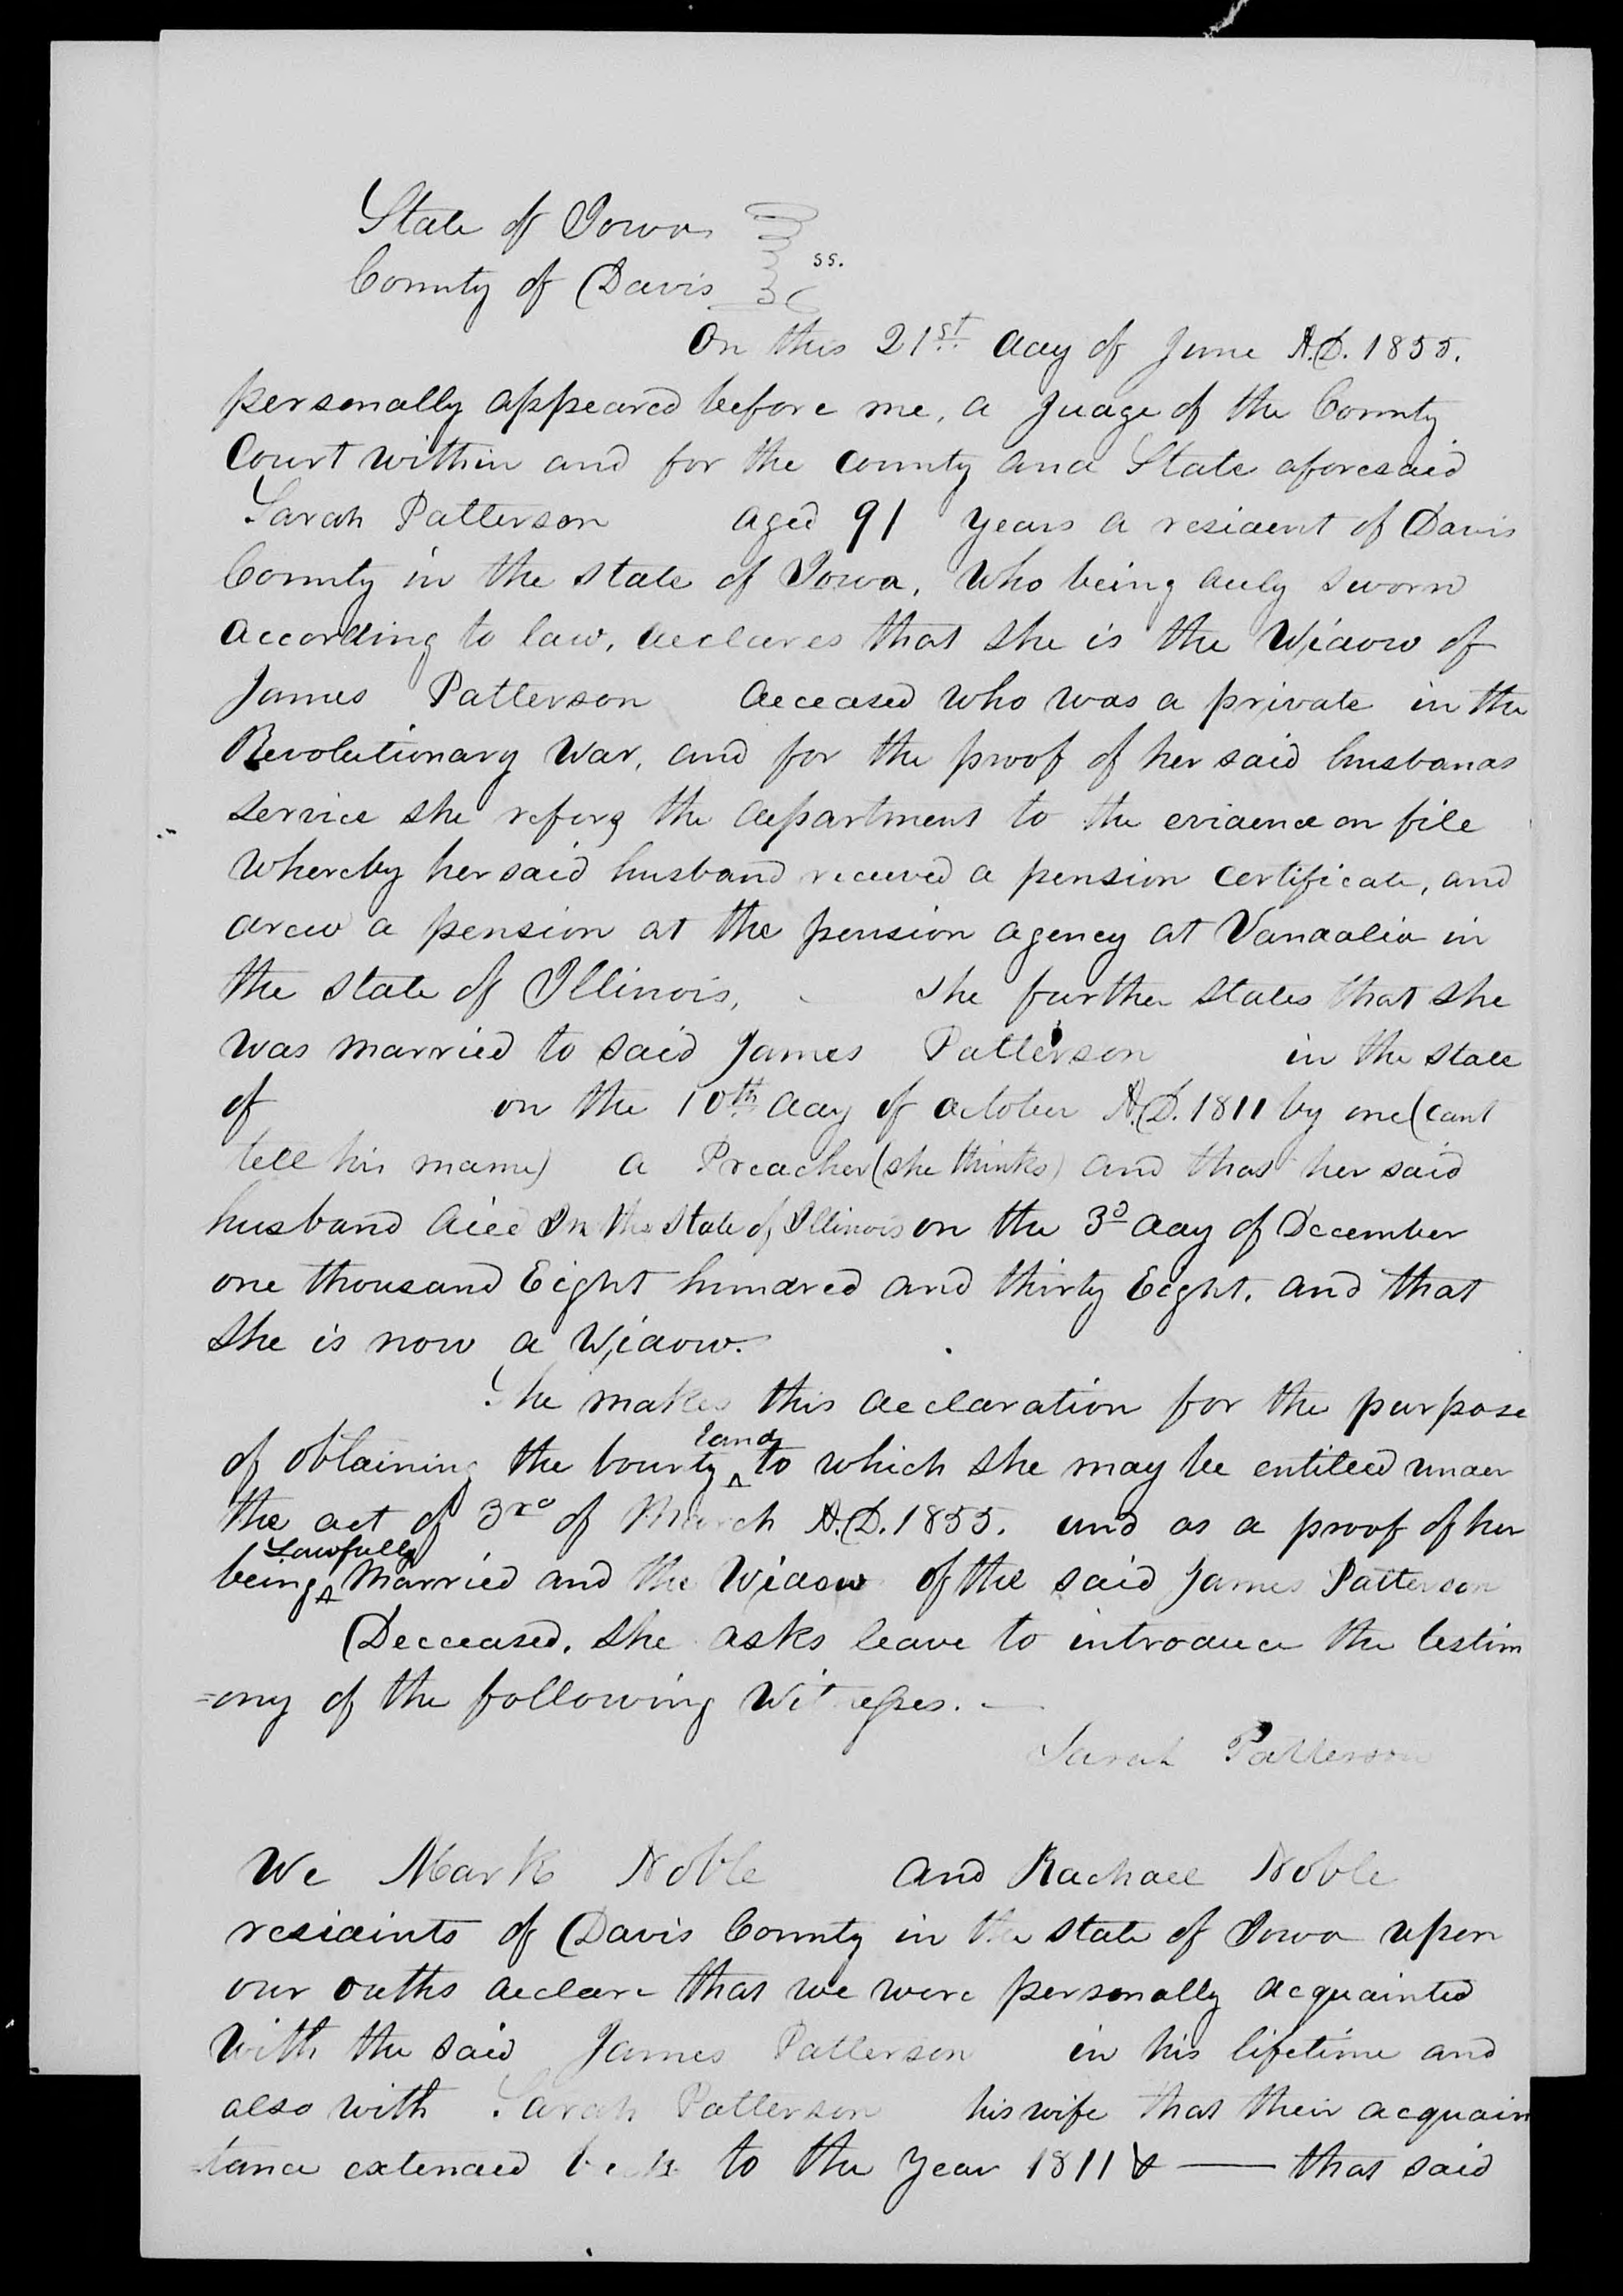State of Iowa     } ss.
County of Davis }
On this 21st day of June A.D. 1855. personally appeared before me, a Judge of the County Court within and for the County and State aforesaid Sarah Patterson aged 91 years a resident of Davis County in the State of Iowa, who being duly sworn according to law, declares that she is the widow of James Patterson deceased who was a private in the Revolutionary War, and for the proof of her said husbands service she refers the department to the evidence on file whereby her said husband received a pension certificate, and drew a pension at the pension agency at Vandalia in the State of Illinois she further states that she was married to said James Patterson in the State of                   on the 10th day of October A.D. 1811 by one (cant tell his name) a Preacher (she thinks), and that her said husband died in the State of Illinois on the 3d day of December one thousand Eight hundred and thirty Eight, and that she is now a widow.
She makes this declaration for the purpose of obtaining the bounty land to which she may be entitled under the act of 3rd of March A.D. 1855, and as a proof of her being lawfully married and the widow of the said James Patterson Deceased, she asks leave to introduce the testimony of the following Witnesses.- 
Sarah Patterson

We Mark Noble and Rachael Noble residents of Davis County in the State of Iowa upon our oaths declare that we were personally acquainted with the said James Patterson in his lifetime and also with Sarah Patterson his wife that their acquaintance extended back to the year 1811 & - that said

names: James Patterson; Sarah Patterson; Mark Noble; Rachael Noble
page: 24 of 69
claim: widow's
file: W. 10861, for James Patterson, North Carolina